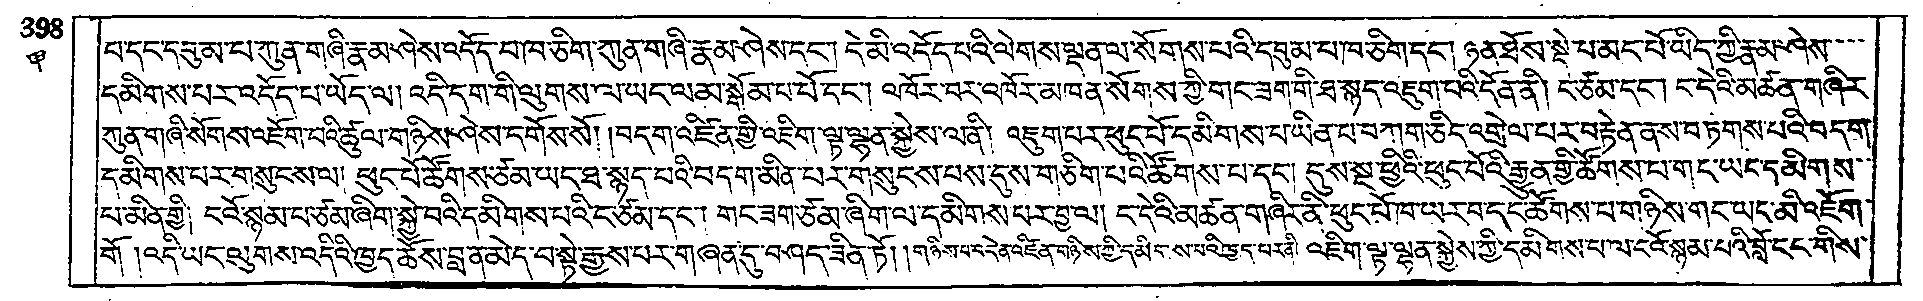པ་དང་དབུ་མ་པ་ཀུན་གཞི་རྣམ་ཤེས་འདོད་པ་ཁ་ཅིག་ཀུན་གཞི་རྣམ་ཤེས་དང་། དེ་མི་འདོད་པའི་ལེགས་ལྡན་ལ་སོགས་པའི་དབུ་མ་པ་ཁ་ཅིག་དང་། ཉན་ཐོས་སྡེ་པ་མང་པོ་ཡིད་ཀྱི་རྣམ་ཤེས་
དམིགས་པར་འདོད་པ་ཡོད་ལ། འདི་དག་གི་ལུགས་ལ་ཡང་ལམ་སྒོམ་པ་པོ་དང་། འཁོར་བར་འཁོར་མཁན་སོགས་ཀྱི་གང་ཟག་གི་ཐ་སྙད་འཇུག་པའི་དོན་ནི། ང་ཙམ་དང་། ང་དེའི་མཚན་གཞིར་
ཀུན་གཞི་སོགས་འཇོག་པའི་ཚུལ་གཉིས་ཤེས་དགོས་སོ། །བདག་འཛིན་གྱི་འཇིག་ལྟ་ལྷན་སྐྱེས་ལ་ནི། འཇུག་པར་ཕུང་པོ་དམིགས་པ་ཡིན་པ་བཀག་ཅིང་འགྲེལ་པར་བརྟེན་ནས་བཏགས་པའི་བདག་
དམིགས་པར་གསུངས་ལ། ཕུང་པོ་ཚོགས་ཙམ་ཡང་ཐ་སྙད་པའི་བདག་མིན་པར་གསུངས་པས་དུས་གཅིག་པའི་ཚོགས་པ་དང་། དུས་སྔ་ཕྱིའི་ཕུང་པོའི་རྒྱུན་གྱི་ཚོགས་པ་གང་ཡང་དམིགས་
པ་མིན་གྱི། ངའོ་སྙམ་པ་ཙམ་ཞིག་སྐྱེ་བའི་དམིགས་པའི་ང་ཙམ་དང་། གང་ཟག་ཙམ་ཞིག་ལ་དམིགས་པར་བྱ་ལ། ང་དེའི་མཚན་གཞིར་ནི་ཕུང་པོ་ཁ་ཡར་བ་དང་ཚོགས་པ་གཉིས་གང་ཡང་མི་འཇོག་
གོ །འདི་ཡང་ལུགས་འདིའི་ཁྱད་ཆོས་བླ་ན་མེད་པ་སྟེ་རྒྱས་པར་གཞན་དུ་བཤད་ཟིན་ཏོ། །གཉིས་པ་བདེན་འཛིན་གཉིས་ཀྱི་དམིགས་པའི་ཁྱད་པར་ནི།  འཇིག་ལྟ་ལྷན་སྐྱེས་ཀྱི་དམིགས་པ་ལ་ངའོ་སྙམ་པའི་བློ་ངང་གིས་